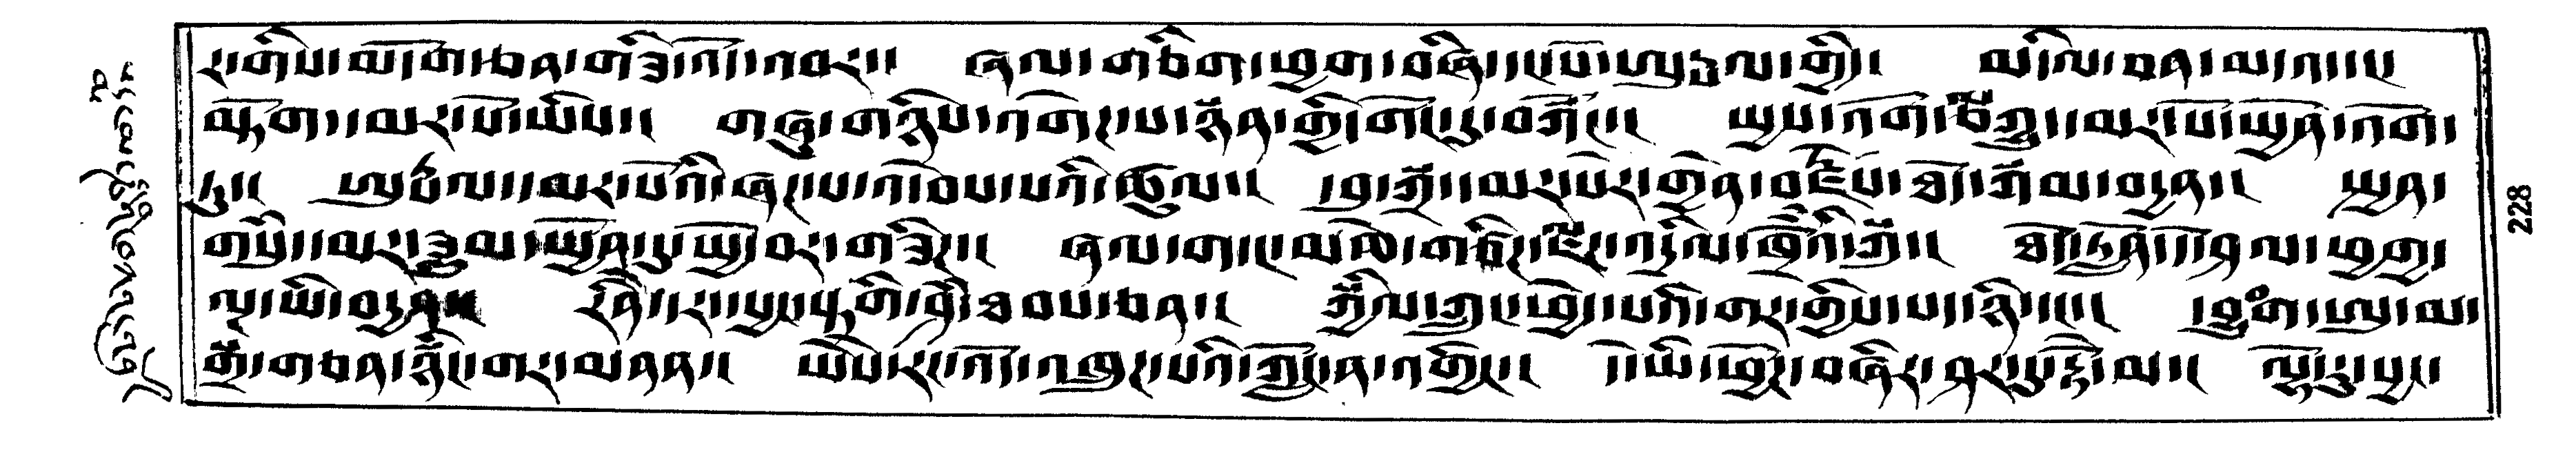རགའི་མདོག་ཅན་གཟི་འོད་འབར། །ཞལ་གཅིག་ཕྱག་བཞི་དང་པོ་ཨུཏྤལ་གྱི། །མདེལ་ཅན་མདའ་དང་
མེ་ཏོག་དམར་པོ་ཡིས། །གཞུ་གཉིས་འགེང་པ་སྙན་གྱི་གོང་དུ་བཀོང་། །གཡས་འོག་ལྕགས་ཀྱུ་དམར་པོ་གཡོན་འོག་
ཏུ། །ཨུཏྤལ་དམར་པོའི་ཞགས་པ་འདེབས་པའི་ཚུལ། །དབུ་སྐྲ་དམར་སེར་གྱེན་བརྫེས་ཐོད་སྐམ་བརྒྱན། །སྤྱན་
གསུམ་དམར་ཟླུམ་གཡོན་དུ་གཡོ་བར་གཟིགས། །ཞལ་གདངས་མཆེ་གཙིགས་ལྕགས་འདྲིལ་ཁྲོ་བོའི་སྐུ། །ཐོད་རློན་དོ་ཤལ་ཕྱག་རྒྱ་
ལྔ་ཡི་བརྒྱན། །རིན་ཆེན་དར་དཔྱང་སྟག་གི་ཤམ་ཐབས་ཅན། །སྐྱིལ་ཀྲུང་ཕྱེད་པའི་གར་གྱིས་པད་ཉི་དང་། །དབང་ཕྱུག་ཨུ་མ་
སྒྲ་གཅན་སྙིང་གར་མནན། །ཡེ་ཤེས་རང་འོད་འཁྲུགས་པའི་ཀློང་ན་འགྱིང་། །དེ་ཡི་ཕྱོགས་བཞིར་ཤར་དུ་རྡོ་རྗེ་མ། །ལྷོ་རུ་གསང་